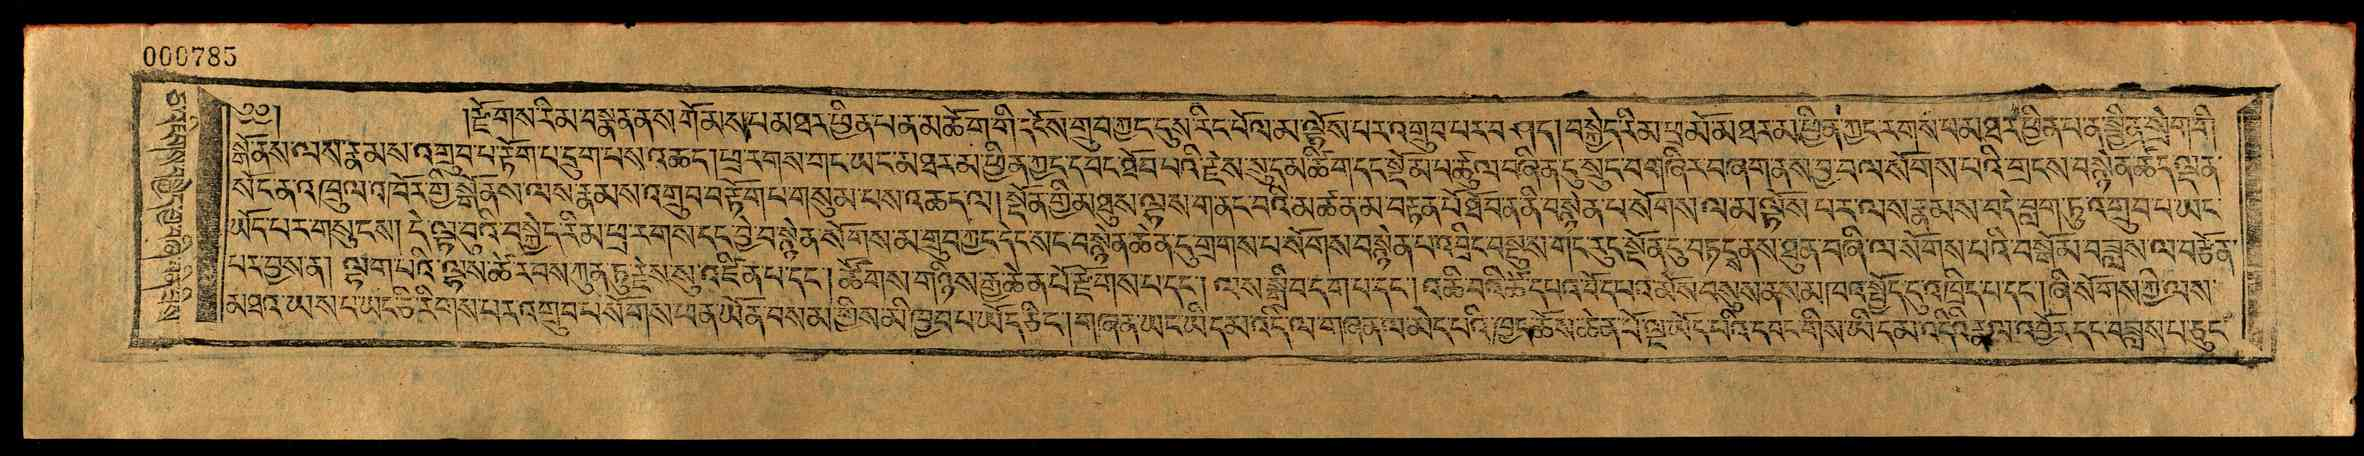༄༅། །རྫོགས་རིམ་བསྣན་ནས་གོམས་པ་མཐར་ཕྱིན་པ་ན་མཆོག་གི་དངོས་གྲུབ་ཀྱང་དུས་རིང་པོ་ལ་མ་ལྟོས་པར་འགྲུབ་པར་བཤད། བསྐྱེད་རིམ་ཕྲ་མོ་མཐར་མ་ཕྱིན་ཀྱང་རགས་པ་མཐར་ཕྱིན་པ་ན་སྦྱིན་སྲེག་གི་
སྒོ་ནས་ལས་རྣམས་འགྲུབ་པ་རྟོག་པ་དྲུག་པས་འཆད། ཕྲ་རགས་གང་ཡང་མཐར་མ་ཕྱིན་ཀྱང་དབང་ཐོབ་པའི་རྗེས་སུ་དམ་ཚིག་དང་སྡོམ་པ་ཚུལ་བཞིན་དུ་སྲུང་བ་གཞིར་བཞག་ནས་བྱེ་བ་ལ་སོགས་པའི་གྲངས་བསྙེན་ཚད་ལྡན་
སོང་ན་འཁྲུལ་འཁོར་གྱི་སྒོ་ནས་ལས་རྣམས་འགྲུབ་པ་རྟོག་པ་གསུམ་པས་འཆད་ལ། སྔོན་གྱི་མཐུས་ལྷས་གནང་བའི་མཚན་མ་བརྟན་པོ་ཐོབ་ན་ནི་བསྙེན་པ་སོགས་ལ་མ་ལྟོས་པར་ལས་རྣམས་བདེ་བླག་ཏུ་འགྲུབ་པ་ཡང་
ཡོད་པར་གསུངས། དེ་ལྟ་བུའི་བསྐྱེད་རིམ་ཕྲ་རགས་དང་བྱེ་བསྙེན་སོགས་མ་གྲུབ་ཀྱང་དེང་སང་བསྙེན་ཆེན་དུ་གྲགས་པ་སོགས་བསྙེན་པ་འབྲིང་བསྡུས་གང་རུང་སྔོན་དུ་བཏངས་ནས་ཐུན་བཞི་ལ་སོགས་པའི་བསྒོམ་བཟླས་ལ་བརྩོན་
པར་བྱས་ན། ལྷག་པའི་ལྷས་ཚེ་རབས་ཀུན་ཏུ་རྗེས་སུ་འཛིན་པ་དང་། ཚོགས་གཉིས་རྒྱ་ཆེན་པོ་རྫོགས་པ་དང་། ལས་སྒྲིབ་དག་པ་དང་། འཆི་བའི་ཚེ་དཔའ་བོ་དཔའ་མོས་བསུས་ནས་མཁའ་སྤྱོད་དུ་འཁྲིད་པ་དང་། ཞི་སོགས་ཀྱི་ལས་
མཐའ་ཡས་པ་ཡང་ཅི་རིགས་པར་འགྲུབ་པ་སོགས་ཕན་ཡོན་བསམ་གྱིས་མི་ཁྱབ་པ་ཡོད་ཅིང་། གཞན་ཡང་ཡི་དམ་འདི་ལ་གཞན་ལ་མེད་པའི་ཁྱད་ཆོས་ཆེན་པོ་ལྔ་ཡོད་པའི་དབང་གིས་ཡི་དམ་འདིའི་རྣལ་འབྱོར་དང་བཟླས་པ་ཅུང་